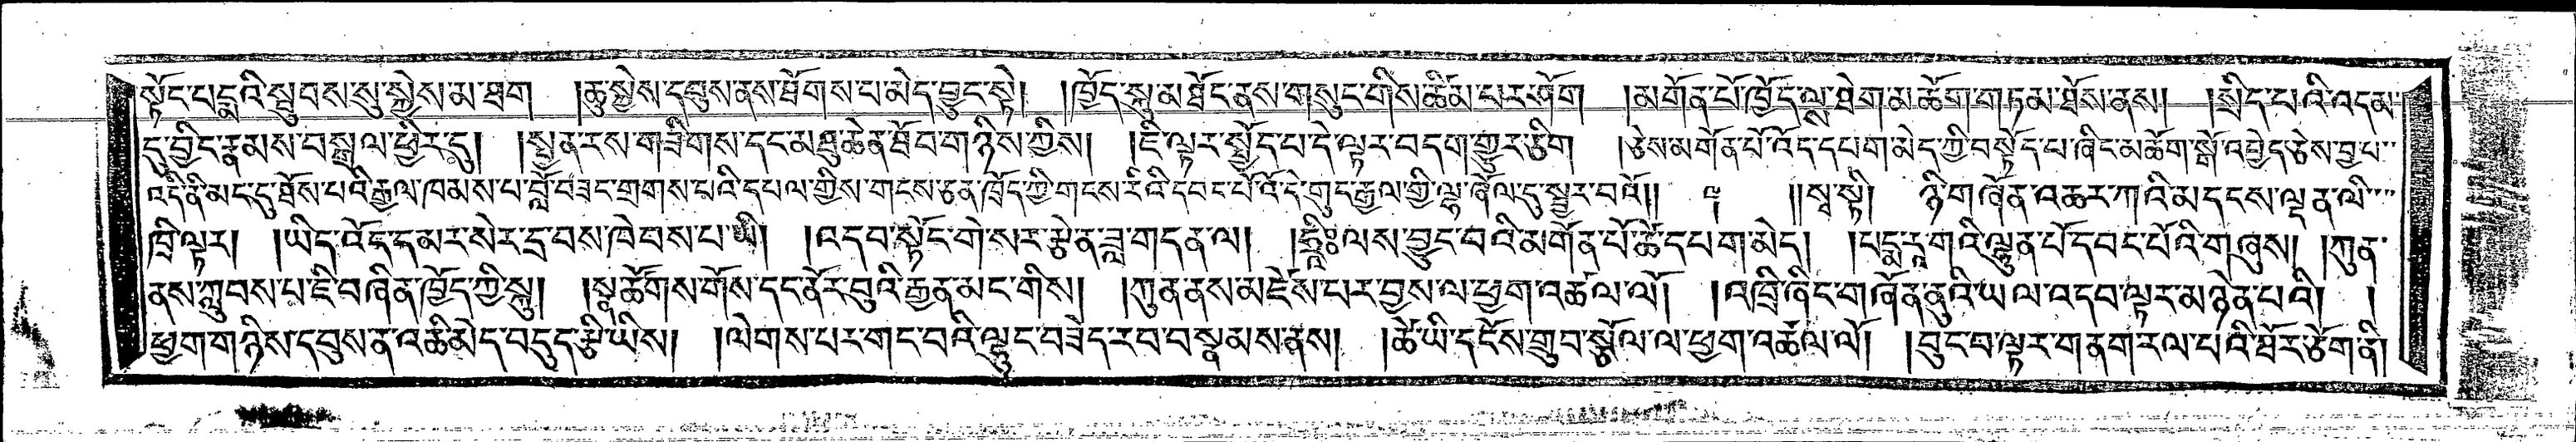སྟོང་པདམའི་སྦུབས་སུ་སྐྱེས་མ་ཐག །ཆུ་སྐྱེས་དབུས་ནས་ཐོགས་པ་མེད་བྱུང་སྟེ། །ཁྱོད་སྐུ་མཐོང་ནས་གསུང་གིས་ཚིམ་པར་ཤོག །མགོན་པོ་ཁྱོད་ལས་ཐེག་མཆོག་གཏམ་ཐོས་ནས། །སྲིད་པའི་འདམ་
དུ་བྱིང་རྣམས་བསྒྲལ་ཕྱིར་དུ། །སྤྱན་རས་གཟིགས་དང་མཐུ་ཆེན་ཐོབ་གཉིས་ཀྱིས། །ཇི་ལྟར་སྤྱོད་པ་དེ་ལྟར་བདག་གྱུར་ཅིག །ཅེས་མགོན་པོ་འོད་དཔག་མེད་ཀྱི་བསྟོད་པ་ཞིང་མཆོག་སྒོ་འབྱེད་ཅེས་བྱ་བ་
འདི་ནི་མང་དུ་ཐོས་པའི་རྒྱལ་ཁམས་པ་བློ་བཟང་གྲགས་པའི་དཔལ་གྱིས་གངས་ཅན་ཁྲོད་ཀྱི་གངས་རིའི་དབང་པོ་འོ་དེ་གུང་རྒྱལ་གྱི་ལྷ་ཞོལ་དུ་སྦྱར་བའོ།། ༈ །།སྭ་སྟི། ཉི་གཞོན་འཆར་ཀའི་མདངས་ལྡན་ལི་
ཁྲི་ལྟར། །ཡིད་འོང་དམར་སེར་དྲ་བས་ཁེབས་པ་ཡི། །འདབ་སྟོང་གེ་སར་རྩེ་ན་ཟླ་གདན་ལ། །ཧྲཱིཿ ལས་བྱུང་བའི་མགོན་པོ་ཚེ་དཔག་མེད། །པདམ་རཱ་གའི་ལྷུན་པོ་དབང་པོའི་གཞུས། །ཀུན་
ནས་ཀླུབས་པ་ཇི་བཞིན་ཁྱོད་ཀྱི་སྐུ། །སྣ་ཚོགས་གོས་དང་ནོར་བུའི་རྒྱན་མང་གིས། །ཀུན་ནས་མཛེས་པར་བྱས་ལ་ཕྱག་འཚལ་ལོ། །འཁྲི་ཞིང་གཞོན་ནུའི་ཡལ་འདབ་ལྟར་མཉེན་པའི། །
ཕྱག་གཉིས་དབུས་ན་འཆི་མེད་བདུད་རྩི་ཡིས། །ལེགས་པར་གང་བའི་ལྷུང་བཟེད་རབ་བསྣམས་ནས། །ཚེ་ཡི་དངོས་གྲུབ་སྩོལ་ལ་ཕྱག་འཚལ་ལོ། །བུང་བ་ལྟར་གནག་རལ་པའི་ཐོར་ཅོག་ནི།